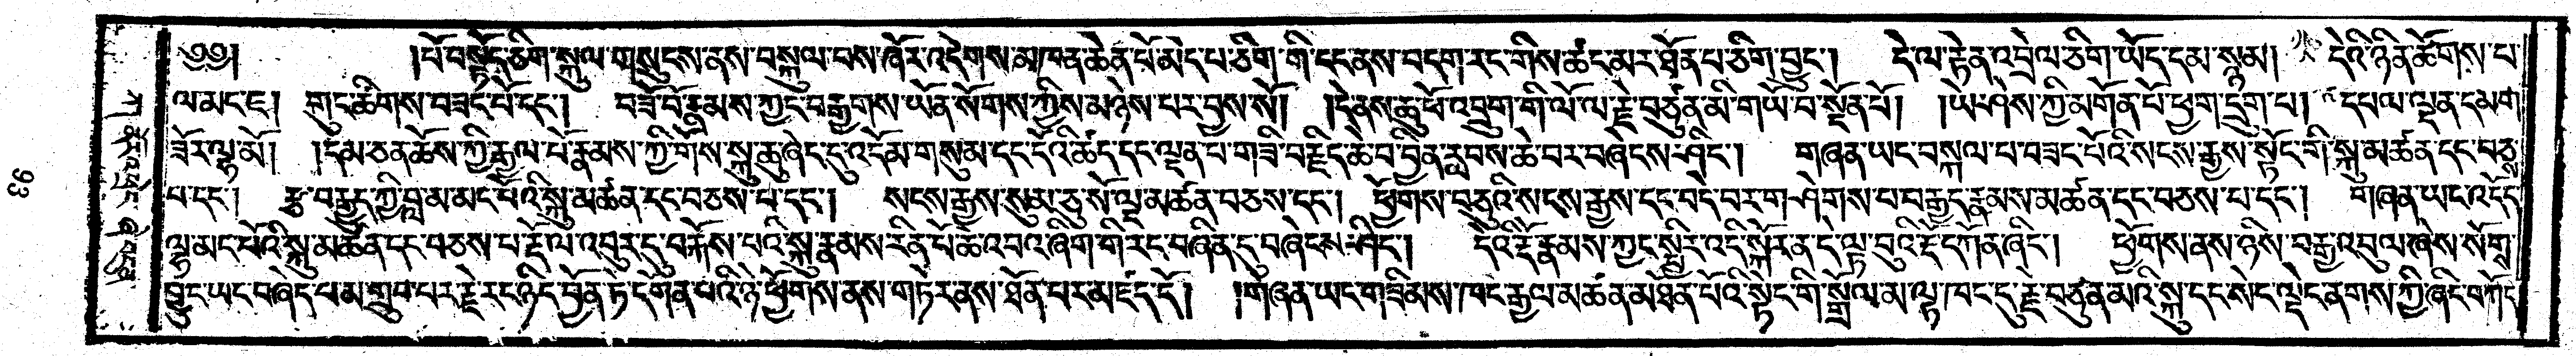༄༅། །པོ་བསྟོད་ཅིག་སྐུལ་གསུངས་ནས་བསྐུལ་བས་ཞོར་འདེགས་མཁན་ཆེན་པོ་མེད་པ་ཅིག་གི་དང་ནས་བདག་རང་གིས་ཚང་མར་ཐོན་པ་ཅིག་བྱུང་། དེ་ལ་རྟེན་འབྲེལ་ཅིག་ཡོད་དམ་སྙམ། དེའི་ཉིན་ཚོགས་པ་
ལ་མང་ཇ། གུང་ཚིགས་བཟང་པོ་དང་། བཟོ་བོ་རྣམས་ཀྱང་བརྒྱགས་ཡོན་སོགས་ཀྱིས་མཉེས་པར་བྱས་སོ། །དེ་ནས་ཆུ་ཕོ་འབྲུག་གི་ལོ་ལ་རྗེ་བཙུན་མི་གཡོ་བ་སྔོན་པོ། །ཡེ་ཤེས་ཀྱི་མགོན་པོ་ཕྱག་དྲུག་པ། དཔལ་ལྡན་དམག་
ཟོར་ལྷ་མོ། །དམ་ཅན་ཆོས་ཀྱི་རྒྱལ་པོ་རྣམས་ཀྱི་གོས་སྐུ་ཆུ་ཞེད་དུ་འདོམ་གསུམ་དང་དོའི་ཚད་དང་ལྡན་པ་གཟི་བརྗིད་ཆེ་བ་བྱིན་རླབས་ཆེ་བར་བཞེངས་ཤིང་། གཞན་ཡང་བསྐལ་པ་བཟང་པོའི་སངས་རྒྱས་སྟོང་གི་སྐུ་མཚན་དང་བཅས་
པ་དང་། རྩ་བརྒྱུད་ཀྱི་བླ་མ་མང་པོའི་སྐུ་མཚན་དང་བཅས་པ་དང་། སངས་རྒྱས་སུམ་ཅུ་སོ་ལྔ་མཚན་བཅས་དང་། ཕྱོགས་བཅུའི་སངས་རྒྱས་དང་བདེ་བར་གཤེགས་པ་བརྒྱད་རྣམས་མཚན་དང་བཅས་པ་དང་། གཞན་ཡང་འདོད་
ལྷ་མང་པོའི་སྐུ་མཚན་དང་བཅས་པ་རྡོལ་འབུར་དུ་བརྐོས་པའི་སྐུ་རྣམས་རིན་པོ་ཆེ་འབའ་ཞིག་གི་རང་བཞིན་དུ་བཞེངས་ཤིང་། དེའི་རྡོ་རྣམས་ཀྱང་སྤྱིར་འདི་སྐོར་ན་དེ་ལྟ་བུའི་རྡོ་དཀོན་ཞིང་། ཕྱོགས་ནས་ཉིས་བརྒྱ་འབུལ་ཞེས་སོགས་
བྱུང་ཡང་བཞེད་པ་མ་གྲུབ་པར་རྗེ་རང་ཉིད་བྱོན་ཏེ་དགོན་པའི་ཉེ་ཕྱོགས་ནས་གཏེར་ནས་ཐོན་པར་མཛད་དོ། །གཞན་ཡང་གཟིམས་ཁང་རྒྱལ་མཚན་མཐོན་པོའི་སྟེང་གི་སྒྲོལ་མ་ལྟ་ཁང་དུ་རྗེ་བཙུན་མའི་སྐུ་དང་སེང་ལྡེང་ནགས་ཀྱི་ཞིང་བཀོད་